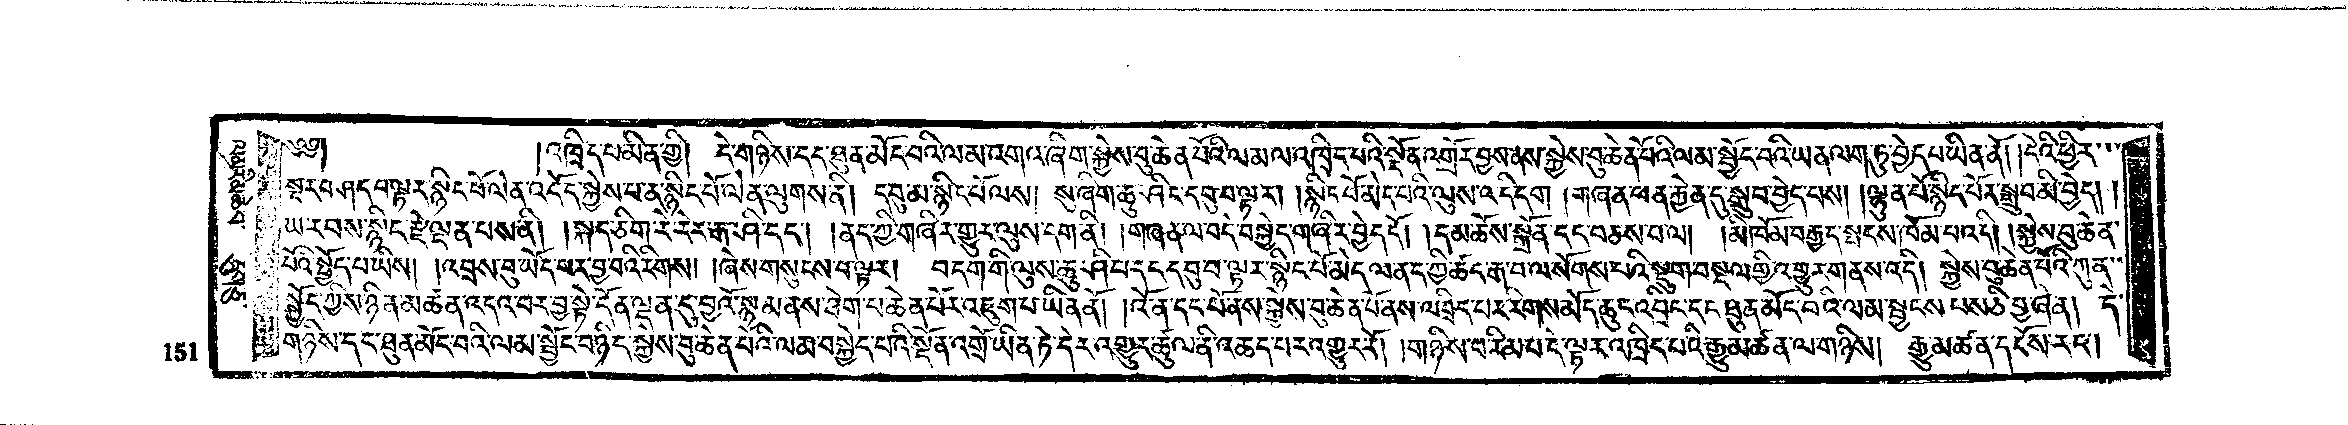༄༅། །འཁྲིད་པ་མིན་གྱི། དེ་གཉིས་དང་ཐུན་མོང་བའི་ལམ་འགའ་ཞིག་སྐྱེས་བུ་ཆེན་པོའི་ལམ་ལ་འཁྲིད་པའི་སྔོན་འགྲོར་བྱས་ནས་སྐྱེས་བུ་ཆེན་པོའི་ལམ་སྦྱོང་བའི་ཡན་ལག་ཏུ་བྱེད་པ་ཡིན་ནོ། །དེའི་ཕྱིར་
སྔར་བཤད་པ་ལྟར་སྙིང་པོ་ལེན་འདོད་སྐྱེས་པ་ན་སྙིང་པོ་ལེན་ལུགས་ནི། དབུ་མ་སྙིང་པོ་ལས། སུ་ཞིག་ཆུ་ཤིང་དབུ་བ་ལྟར། །སྙིང་པོ་མེད་པའི་ལུས་འདི་དག །གཞན་ཕན་རྐྱེན་དུ་སྒྲུབ་བྱེད་པས། །ལྷུན་པོ་སྙིང་པོར་སྒྲུབ་མི་བྱེད། །
ཡ་རབས་སྙིང་རྗེ་ལྡན་པས་ནི། །སྐད་ཅིག་རེ་རེར་རྒ་ཤི་དང་། །ནད་ཀྱི་གཞིར་གྱུར་ལུས་དག་ནི། །གཞན་ལ་བདེ་བསྐྱེད་གཞིར་བྱེད་དོ། །དམ་ཆོས་སྒྲོན་དང་བཅས་པ་ལ། །མི་ཁོམ་བརྒྱད་སྤངས་ཁོམ་པ་འདི། །སྐྱེས་བུ་ཆེན་
པོའི་སྤྱོད་པ་ཡིས། །འབྲས་བུ་ཡོད་པར་བྱ་བའི་རིགས། །ཞེས་གསུངས་པ་ལྟར། བདག་གི་ལུས་ཆུ་ཤིང་དང་དབུ་བ་ལྟར་སྙིང་པོ་མེད་ལ་ནད་ཀྱི་ཚང་རྒ་བ་ལ་སོགས་པའི་སྡུག་བསྔལ་གྱི་འབྱུང་གནས་འདི། སྐྱེས་བུ་ཆེན་པོའི་ཀུན་
སྤྱོད་ཀྱིས་ཉིན་མཚན་འདའ་བར་བྱ་སྟེ་དོན་ལྡན་དུ་བྱའོ་སྙམ་ནས་ཐེག་པ་ཆེན་པོར་འཇུག་པ་ཡིན་ནོ། །འོ་ན་དང་པོ་ནས་སྐྱེས་བུ་ཆེན་པོ་ནས་འཁྲིད་པར་རིགས་མོད་ཆུང་འབྲིང་དང་ཐུན་མོང་བའི་ལམ་སྦྱངས་པས་ཅི་བྱ་ཞེ་ན། དེ་
གཉིས་དང་ཐུན་མོང་བའི་ལམ་སྦྱོང་བ་ཉིད་སྐྱེས་བུ་ཆེན་པོའི་ལམ་བསྐྱེད་པའི་སྔོན་འགྲོ་ཡིན་ཏེ་དེར་འགྱུར་ཚུལ་ནི་འཆད་པར་འགྱུར་རོ། །གཉིས་པ་རིམ་པ་དེ་ལྟར་འཁྲིད་པའི་རྒྱུ་མཚན་ལ་གཉིས། རྒྱུ་མཚན་དངོས་དང་།